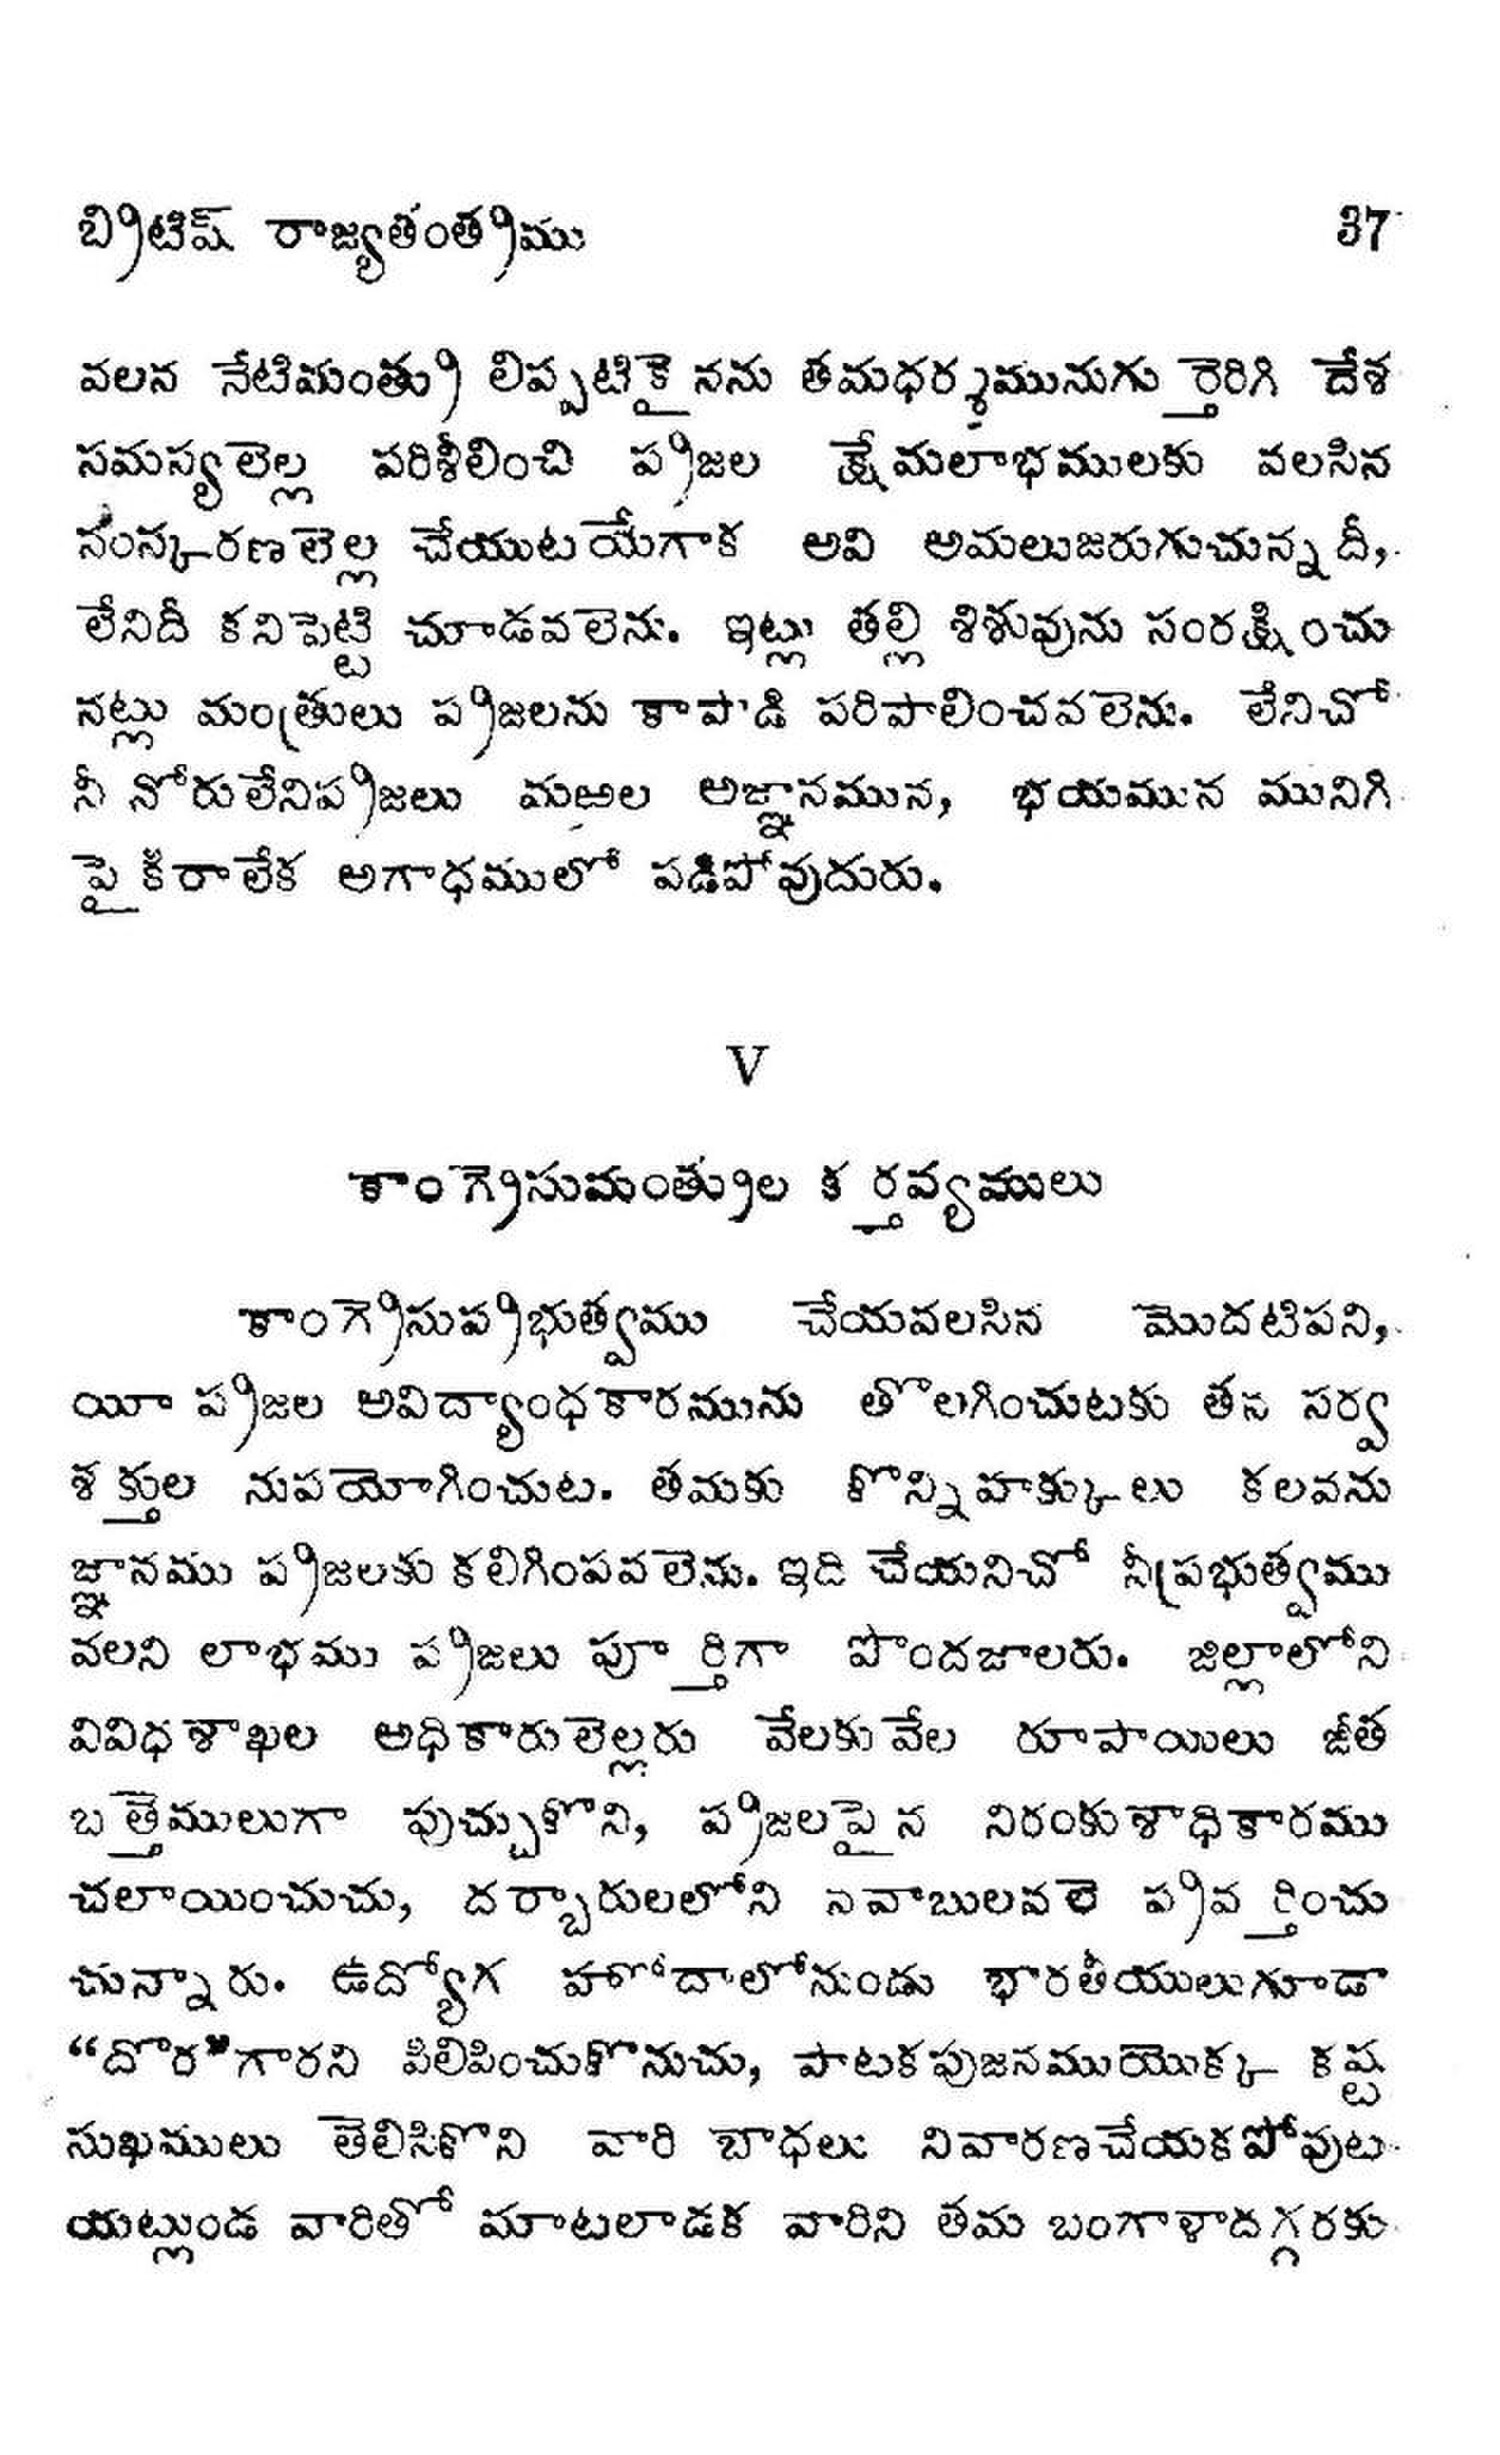వలన నేటిమంత్రు లిప్పటికైనను తమధర్మమునుగుర్తెరిగి దేశ సమస్యలెల్ల పరిశీలించి ప్రజల క్షేమలాభములకు వలసిన సంస్కరణలెల్ల చేయుటయేగాక అవి అమలుజరుగుచున్నదీ,. లేనిదీ కనిపెట్టి చూడవలెను. ఇట్లు తల్లి శిశువును సంరక్షించునట్లు మంత్రులు ప్రజలను కాపాడి పరిపాలించవలెను. లేనిచో నీ నోరులేనిప్రజలు మఱల అజ్ఞానమున, భయమున మునిగి పైకిరాలేక అగాధములో పడిపోవుదురు.

V
కాంగ్రెసుమంత్రుల కర్తవ్యములు 

కాంగ్రెసుప్రభుత్వము చేయవలసిన మొదటిపని, యీ ప్రజల అవిద్యాంధకారమును తొలగించుటకు తన సర్వశక్తుల నుపయోగించుట. తమకు కొన్నిహక్కులు కలవను జ్ఞానము ప్రజలకు కలిగింపవలెను. ఇది చేయనిచో నీ ప్రభుత్వము వలని లాభము ప్రజలు పూర్తిగా పొందజాలరు. జిల్లాలోని వివిధశాఖల అధికారులెల్లరు వేలకువేల రూపాయిలు జీతబత్తెములుగా పుచ్చుకొని, ప్రజలపైన నిరంకుశాధికారము చలాయించుచు, దర్బారులలోని నవాబులవలె ప్రవర్తించు చున్నారు. ఉద్యోగ హోదాలోనుండు భారతీయులుగూడా “దొర"గారని పిలిపించుకొనుచు, పాటకపుజనముయొక్క కష్టసుఖములు తెలిసికొని వారి బాధలు నివారణచేయకపోవుట యట్లుండ వారితో మాటలాడక వారిని తమ బంగాళాదగ్గరకు